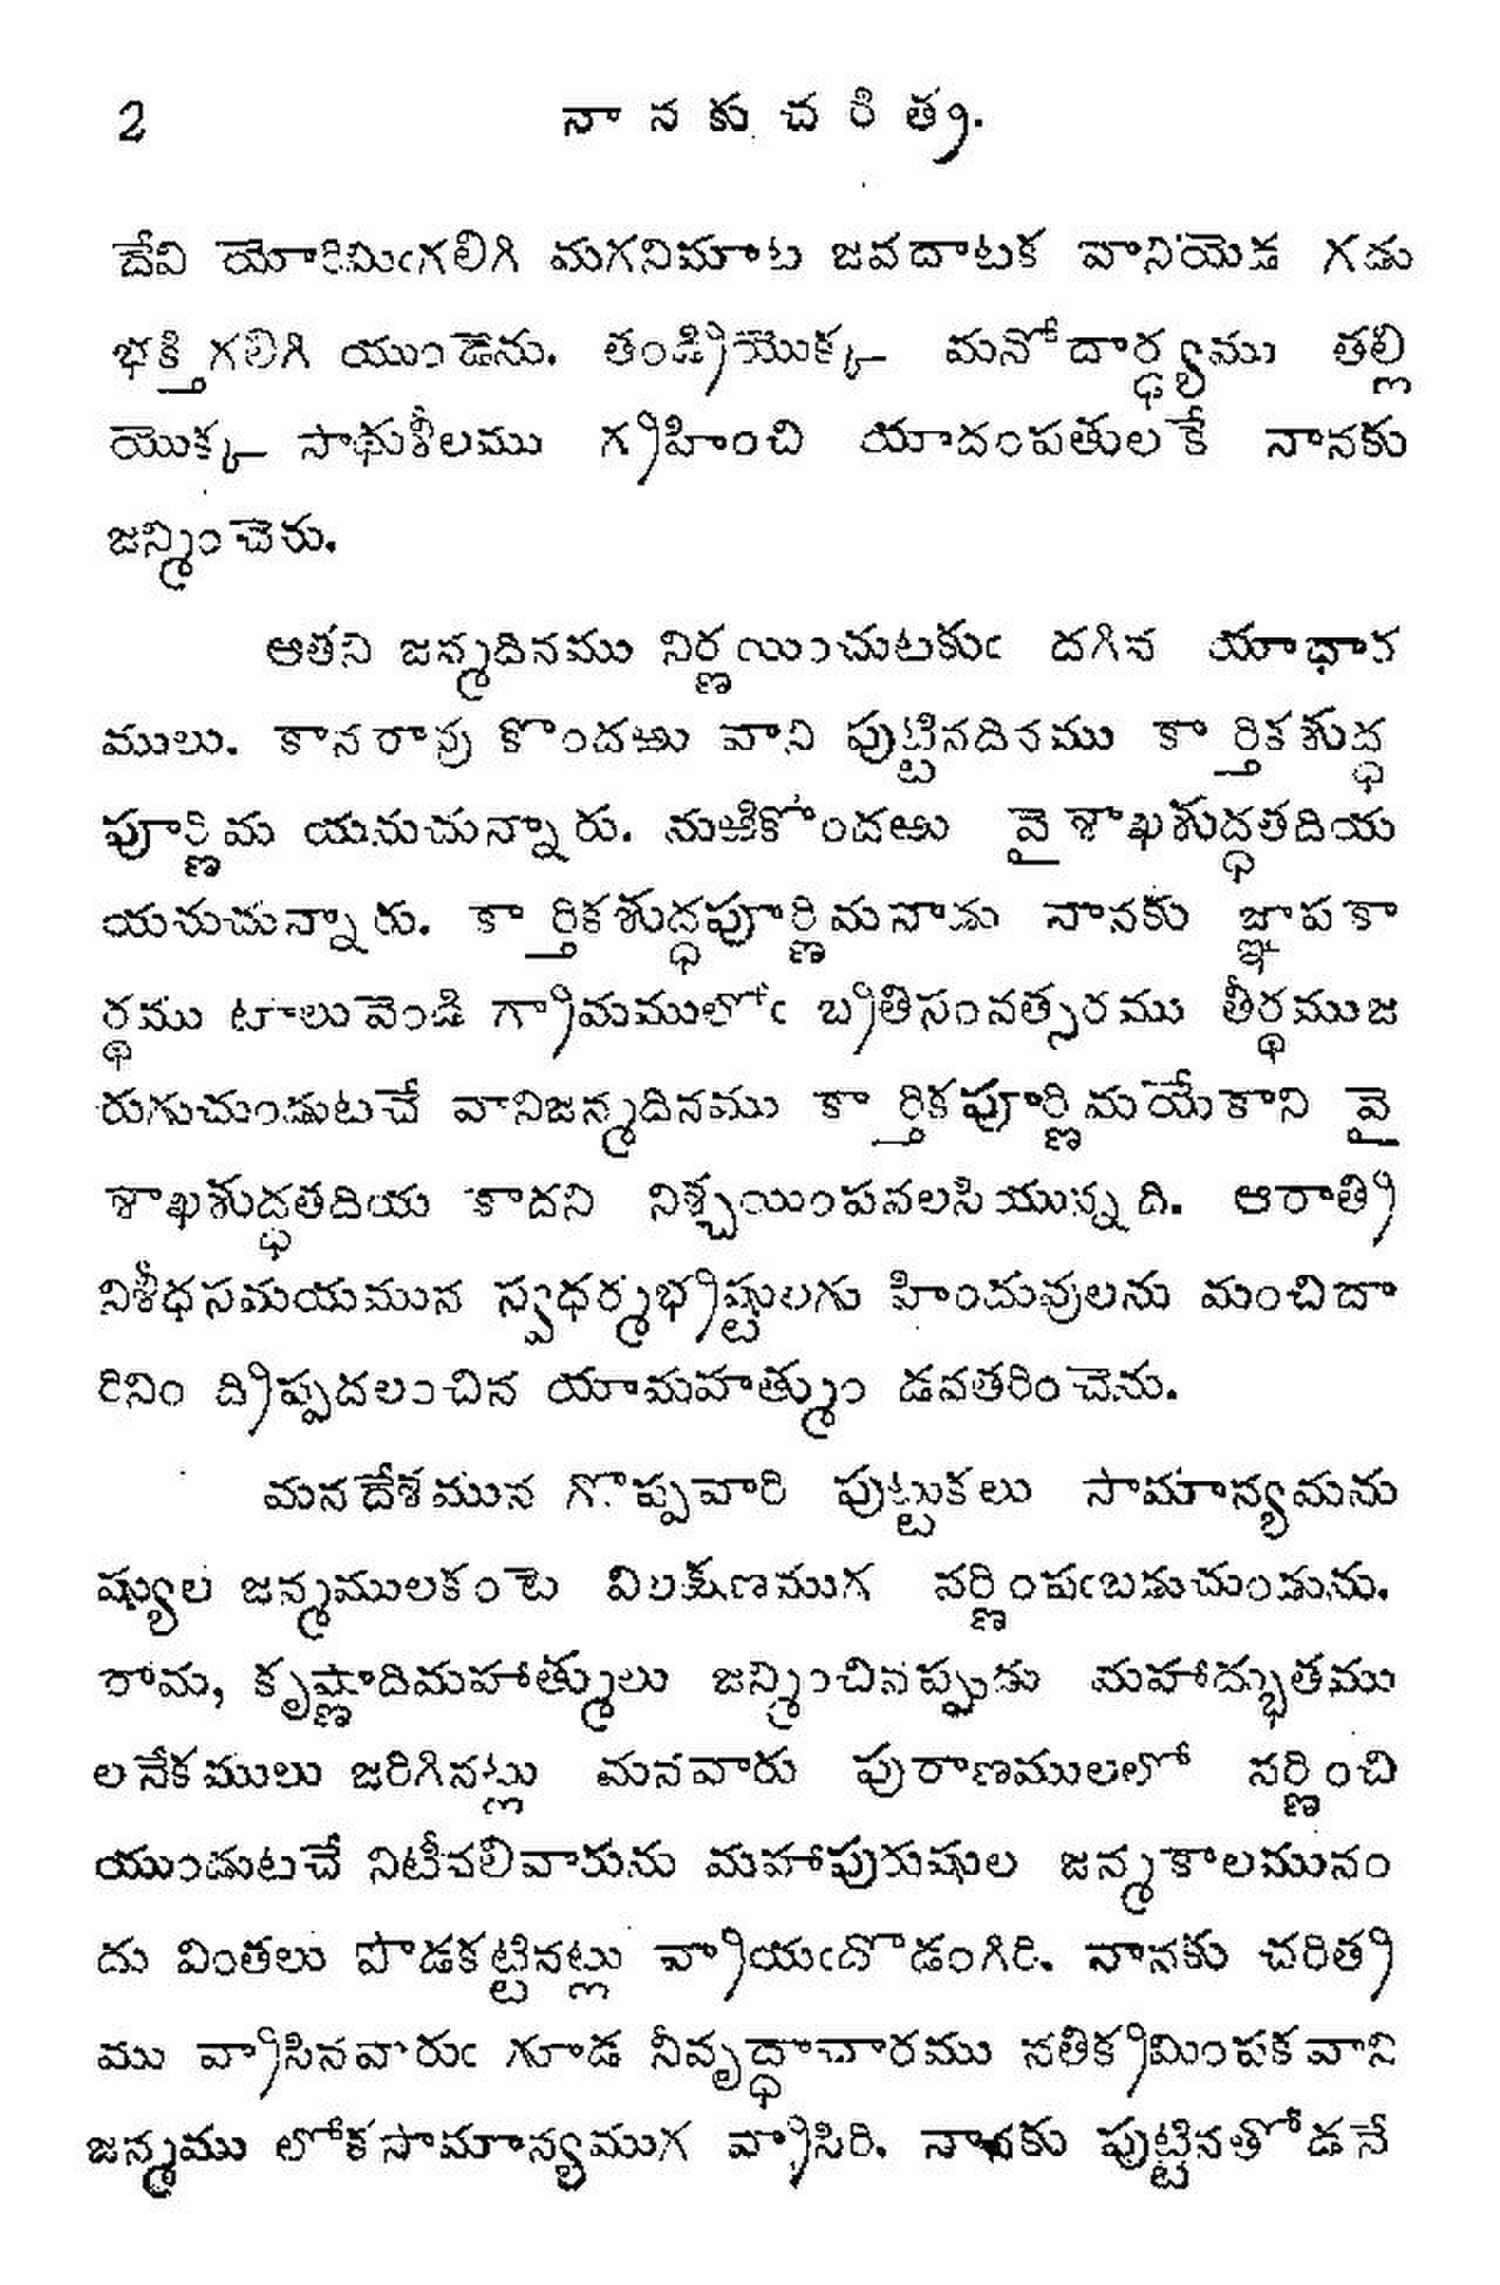దేవి యోరిమిఁగలిగి మగనిమాట జవదాటక వానియెడ గడుభక్తిగలిగి యుండెను. తండ్రియొక్క మనోదార్ఢ్యము తల్లి యొక్క సాథుశీలము గ్రహించి యాదంపతులకే నానకు జన్మించెను.

ఆతని జన్మదినము నిర్ణయించుటకుఁ దగిన యాధారములు కానరావు. కొందఱు వాని పుట్టినదినము కార్తికశుద్ధ పూర్ణిమ యనుచున్నారు. మఱికొందఱు వైశాఖశుద్ధ తదియ యనుచున్నారు. కార్తికశుద్ధపూర్ణిమనాడు నానకు జ్ఞాపకార్థము టాలువెండి గ్రామములోఁ బ్రతిసంవత్సరము తీర్థము జరుగుచుండుటచే వాని జన్మదినము కార్తిక పూర్ణిమయేకాని వైశాఖశుద్ధతదియ కాదని నిశ్చయింపవలసియున్నది. ఆరాత్రి నిశీధసమయమున స్వధర్మభ్రష్టులగు హిందువులను మంచిదారినిం ద్రిప్పదలంచిన యామహత్ముం డవతరించెను.

మనదేశమున గొప్పవారి పుట్టుకలు సామాన్యమనుష్యుల జన్మములకంటె విలక్షణముగ వర్ణింపఁబడుచుండును. రామ, కృష్ణాది మహాత్ములు జన్మించినప్పుడు మహాద్భుతము లనేకములు జరిగినట్లు మనవారు పురాణములలో వర్ణించి యుండుటచే నిటీవలివారును మహాపురుషుల జన్మ కాలమునందు వింతలు పొడకట్టినట్లు వ్రాయఁదొడంగిరి. నానకు చరిత్రము వ్రాసినవారు గూడ నీవృద్ధాచారము నతిక్రమింపక వాని జన్మము లోకసామాన్యముగ వ్రాసిరి. నానకు పుట్టినతోడనే